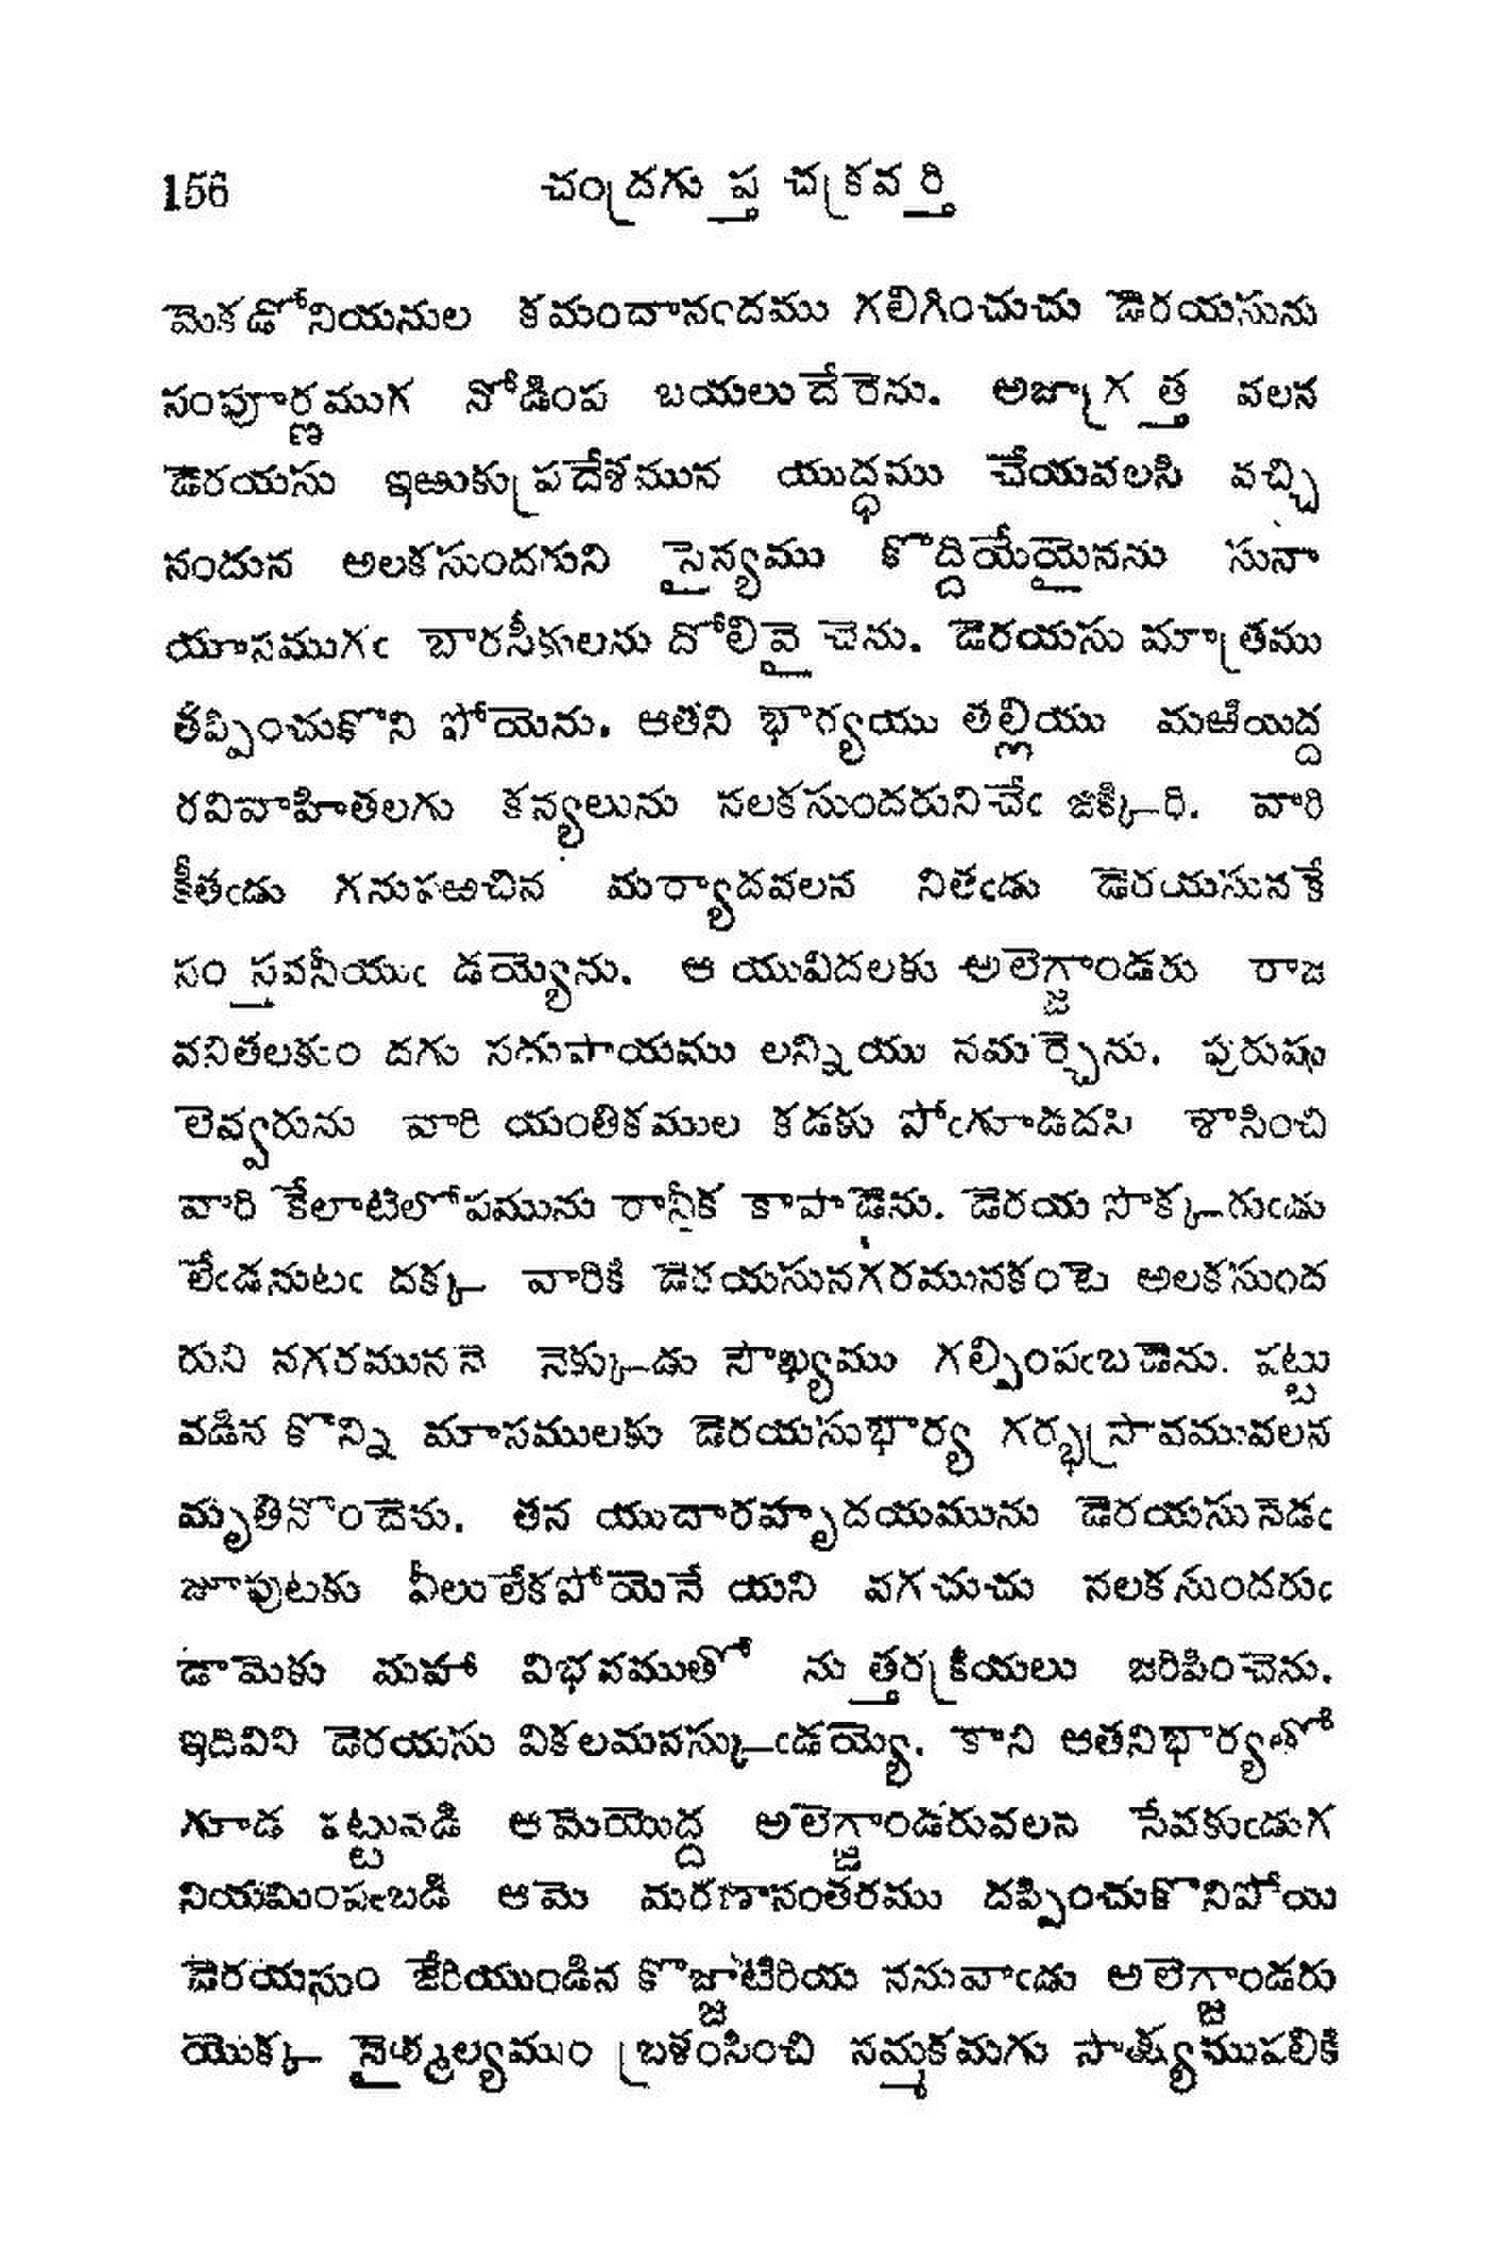మెకడోనియనుల కమందానందము గలిగించుచు డెరయసును సంపూర్ణముగ నోడింప బయలుదేరెను. అజాగ్రత్త వలన డెరయసు ఇఱుకుప్రదేశమున యుద్ధము చేయవలసి వచ్చినందున అలకసుందరుని సైన్యము కొద్దియేయైనను సునాయాసముగఁ బారసీకులను దోలివైచెను. డెరయసు మాత్రము తప్పించుకొని పోయెను. అతని భార్యయు తల్లియు మఱియిద్దరవివాహితలగు కన్యలును నలకసుందరునిచేఁ జిక్కిరి. వారి కీతఁడు గనుపఱచిన మర్యాదవలన నితఁడు డెరయసునకే సంస్తవనీయుఁ డయ్యెను. ఆ యువిదలకు అలెగ్జాండరు రాజ వనితలకం దగు సదుపాయము లన్నియు నమర్చెను. పురుషు లెవ్వరును వారి యంతికముల కడకు పోఁగూడదని శాసించి వారి కేలాటిలోపమును రానీక కాపాడెను. డెరయ సొక్కరుఁడు లేఁడనుటఁ దక్క వారికి డెరయసునగరమునకంటె అలకసుందరుని నగరముననె నెక్కుడు సౌఖ్యము గల్పింపఁబడెను. పట్టువడిన కొన్ని మాసములకు డెరయసుభార్య గర్భస్రావమువలన మృతినొందెను. తన యుదారహృదయమును డెరయసునెడఁ జూపుటకు వీలులేకపోయెనే యని వగచుచు నలకసుందరుఁ డామెకు మహా విభవముతో నుత్తరక్రియలు జరిపించెను. ఇదివిని డెరయసు వికలమనస్కుఁడయ్యె. కాని అతనిభార్యతో గూడ పట్టువడి ఆమెయొద్ద అలెగ్జాండరువలన సేవకుఁడుగ నియమింపఁబడి ఆమె మరణానంతరము దప్పించుకొనిపోయి డెరయసుం జేరియుండిన కొజ్జాటిరియ ననువాఁడు అలెగ్జాండరు యొక్క నైర్మల్యముం బ్రశంసించి నమ్మకమగు సాక్ష్యముపలికి